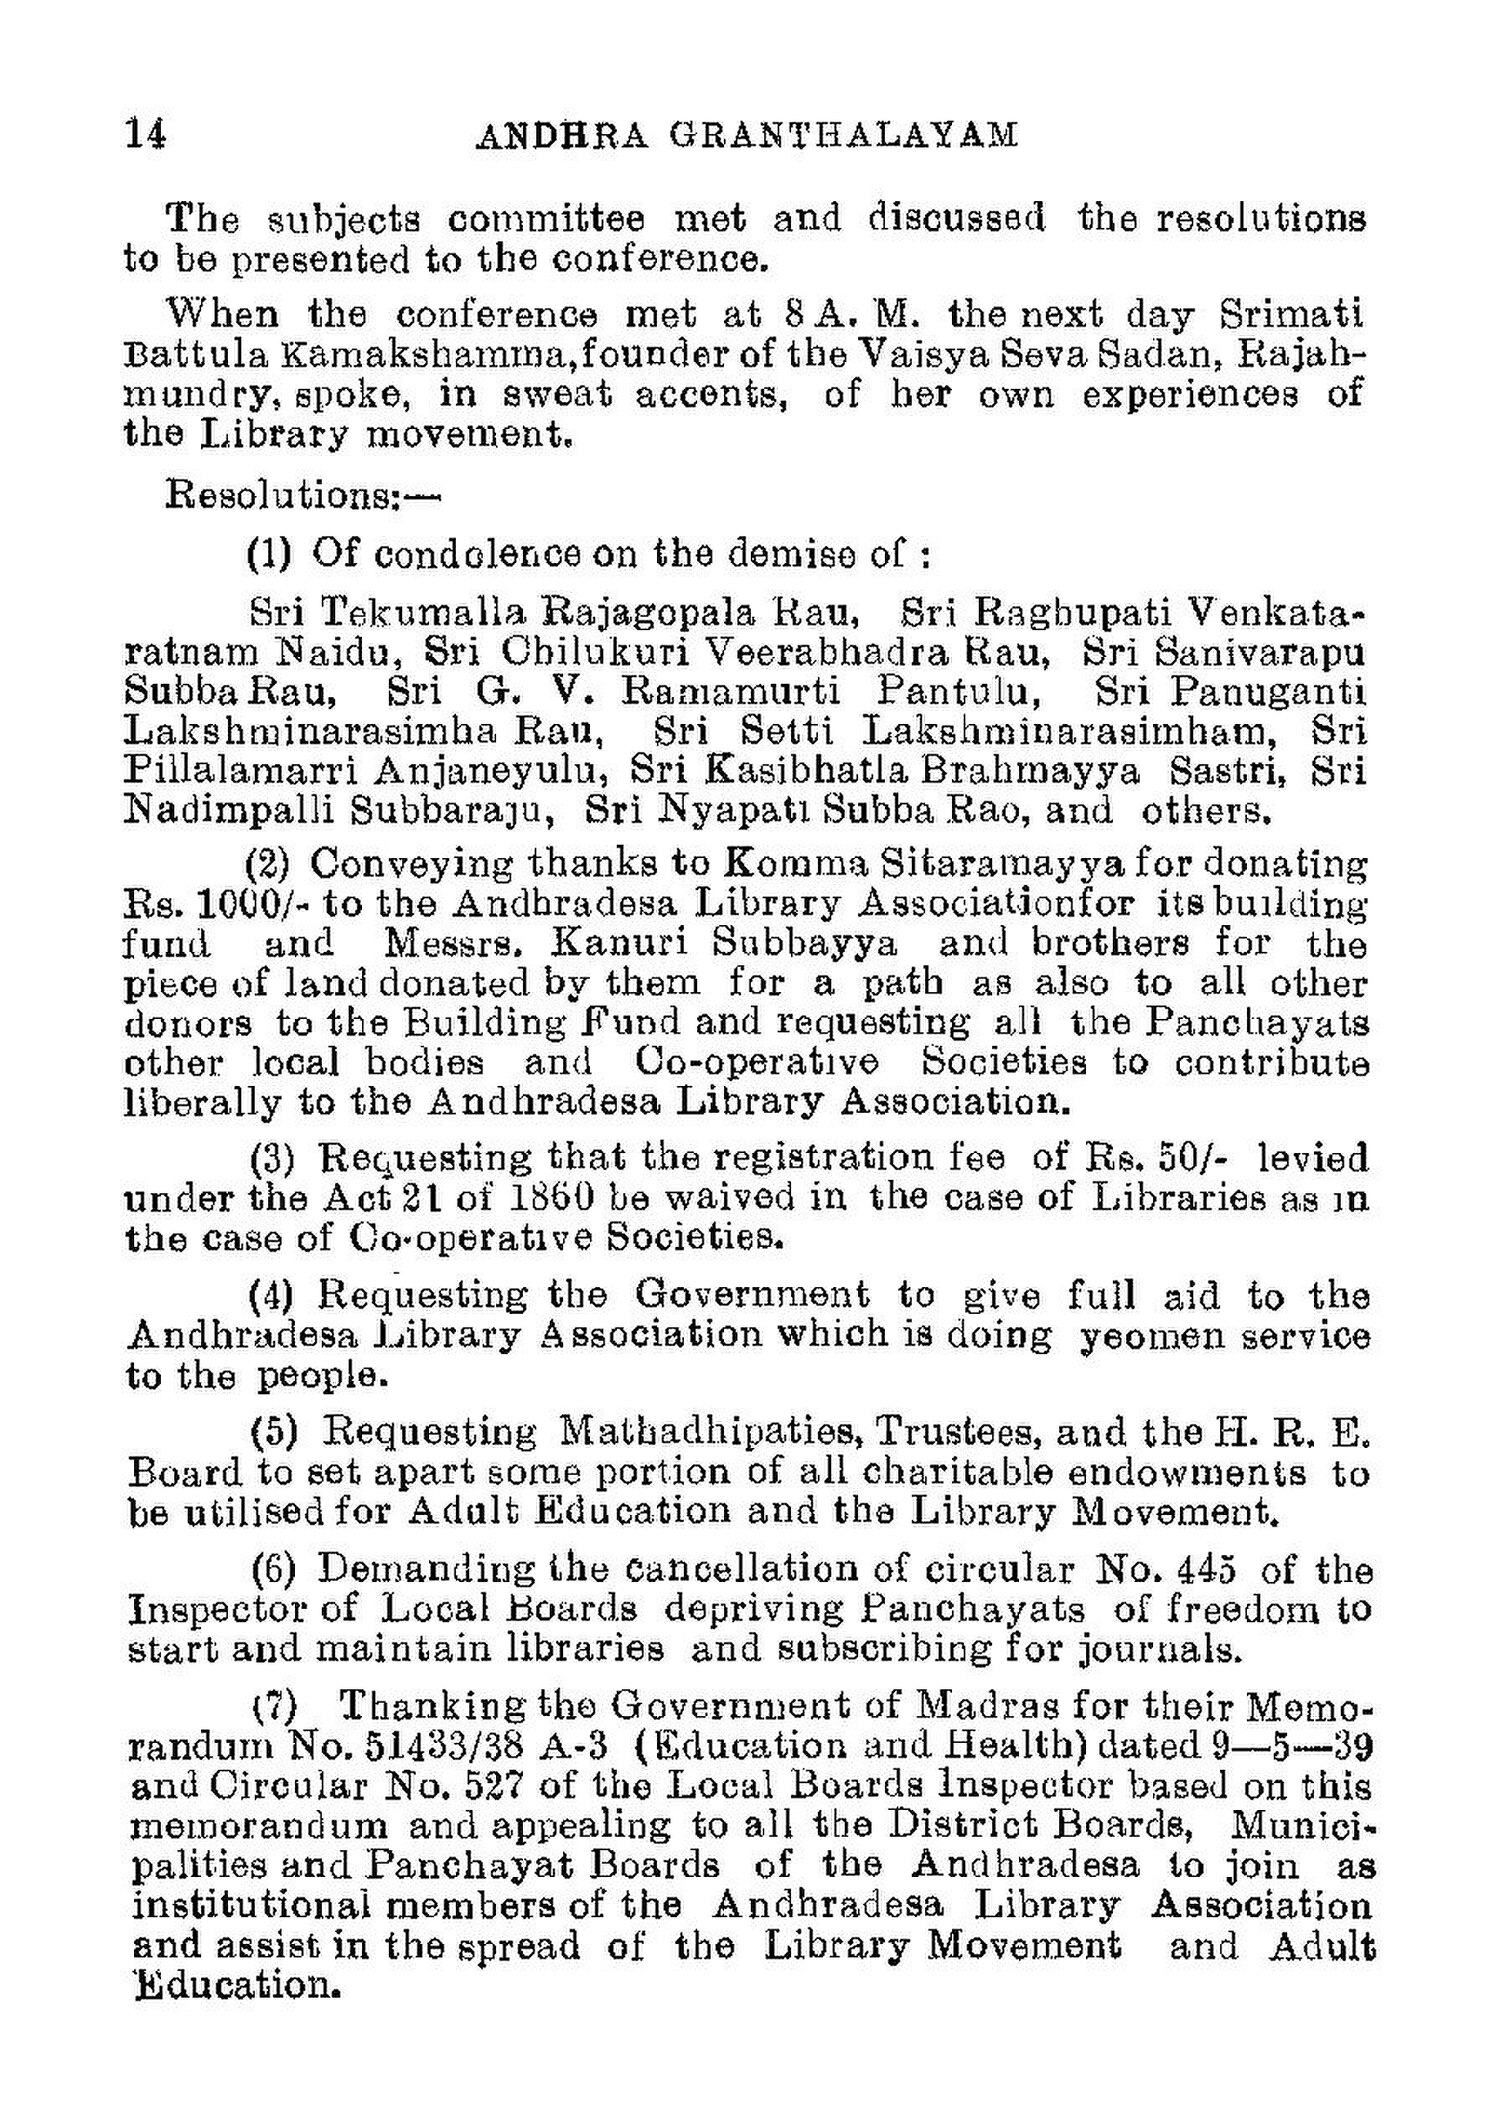The subjects committee met and discussed the resolutions to be presented to the conference.

When the conference met at 8 A. M. the next day Srimati Battula Kamakshamma, founder of the Vaisya Seva 
Sadan, Rajahmundry, spoke, in sweat accents, of her own experiences of the Library movement.

Resolutions:-

(1) Of condolence on the demise of Sri Tekumalla Rajagopala Rau, Sri Raghupati Venkataratnam Naidu, 
Sri Chilukuri Veerabhadra Rao, Sri Sanivarapu Subba Rau, Sri G. V. Ramamurti Pantulu, Sri Panuganti Lakshminarasimha Rao, Sri Setti Lakshminarasimham, Sri Pillalamarri Anjaneyulu, Sri Kasibhatla 
Brahmayya Sastri, Sri Nadimpalli Subbaraju, Sri Nyapati Subba Rao, and others.

(2) Conveying thanks to Komma Sitaramayya for donating Rs. 1000/- to the Andhradesa Library 
Association for its building fund and Messrs. Kanuri Subbayya and brothers for the piece of 
land donated by them for a path as also to all other donors to the Building Fund and requesting 
all the Panchayats other local bodies and Co-operative Societies to contribute liberally to the 
Andhradesa Library Association.

(3) Requesting that the registration fee of Rs. 50/- levied under the Act 21 of 1860 be waived 
in the case of Libraries as in the case of Co-operative Societies.

(4) Requesting the Government to give full aid to the Andhradesa Library Association which is 
doing yeomen service to the people.

(5) Requesting Mathadhipaties, Trustees, and the H. R. E.Board to set apart some portion of 
all charitable endowments to be utilized for Adult Education and the Library Movement.

(6) Demanding the cancellation of circular No. 445 of the Inspector of Local Boards depriving 
Panchayats of freedom to start and maintain libraries and subscribing for journals.

(7) Thanking the Government of Madras for their Memorandum No. 51433/38 A-3 (Education and Health) 
dated 9-5-39 and Circular No. 527 of the Local Boards Inspector based on this memorandum and 
appealing to all the District Boards, Municipalities and Panchayat Boards of the Andhradesa 
to join as institutional members of the Andhradesa Library Association and assist in the spread of
the Library Movement and Adult Education.